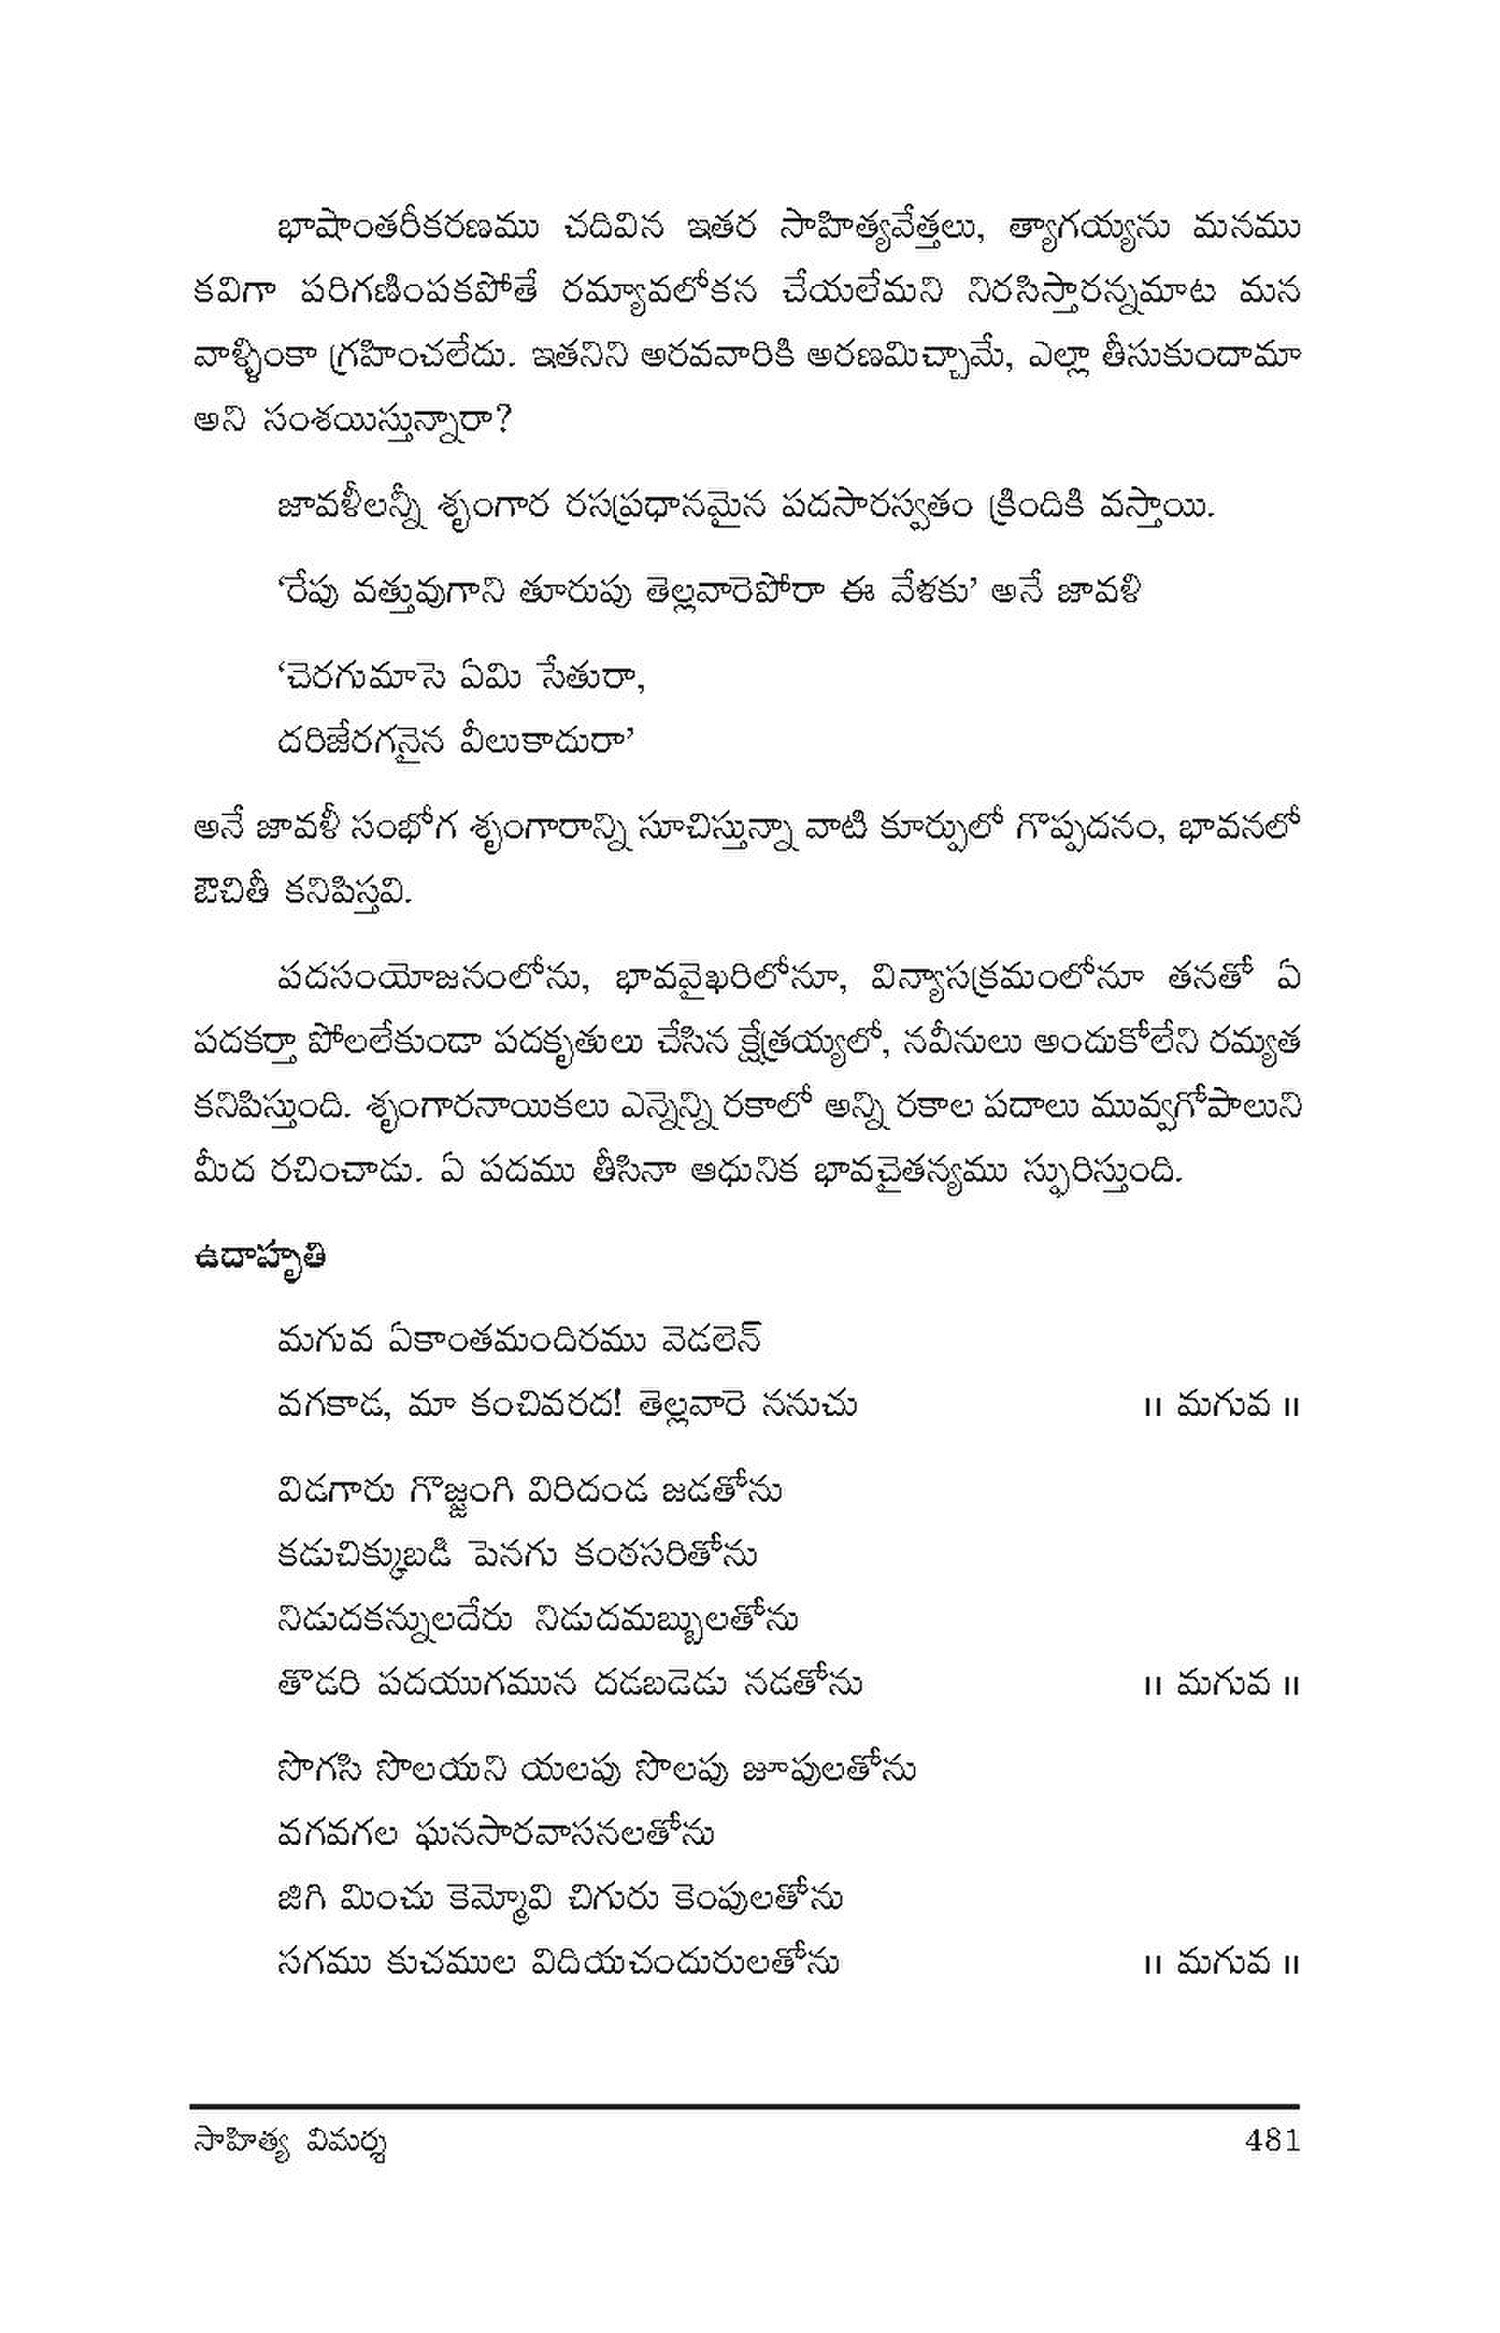భాషాంతరీకరణము చదివిన ఇతర సాహిత్యవేత్తలు, త్యాగయ్యను మనము
కవిగా పరిగణింపకపోతే రమ్యావలోకన చేయలేమని నిరసిస్తారన్నమాట మన
వాళ్ళింకా గ్రహించలేదు. ఇతనిని అరవవారికి అరణమిచ్చామే, ఎల్లా తీసుకుందామా
అని సంశయిస్తున్నారా?

జావళీలన్నీ శృంగార రసప్రధానమైన పదసారస్వతం క్రిందికి వస్తాయి.

'రేపు వత్తువుగాని తూరుపు తెల్లవారెపోరా ఈ వేళకు' అనే జావళి

'చెరగుమాసె ఏమి సేతురా,
దరిజేరగనైన వీలుకాదురా’

అనే జావళీ సంభోగ శృంగారాన్ని సూచిస్తున్నా వాటి కూర్పులో గొప్పదనం, భావనలో
ఔచితీ కనిపిస్తవి.

పదసంయోజనంలోను, భావవైఖరిలోనూ, విన్యాసక్రమంలోనూ తనతో ఏ
పదకర్తా పోలలేకుండా పదకృతులు చేసిన క్షేత్రయ్యలో, నవీనులు అందుకోలేని రమ్యత
కనిపిస్తుంది. శృంగారనాయికలు ఎన్నెన్ని రకాలో అన్ని రకాల పదాలు మువ్వగోపాలుని
మీద రచించాడు. ఏ పదము తీసినా ఆధునిక భావచైతన్యము స్ఫురిస్తుంది.

ఉదాహృతి

మగువ ఏకాంతమందిరము వెడలెన్
నగకాడ, మా కంచివరద! తెల్లవారె ననుచు॥ మగువ ॥

విడగారు గొజ్జంగి విరిదండ జడతోను
కడుచిక్కుబడి పెనగు కంఠసరితోను
నిడుదకన్నులదేరు నిడుదమబ్బులతోను
తొడరి పదయుగమున దడబడెడు నడతోను॥ మగువ ॥

సొగసి సొలయని యలవు సొలపు జూపులతోను
వగవగల ఘనసారవాసనలతోను
జిగి మించు కెమ్మోవి చిగురు కెంపులతోను
సగము కుచముల విదియ చందురులతోను॥ మగువ ॥